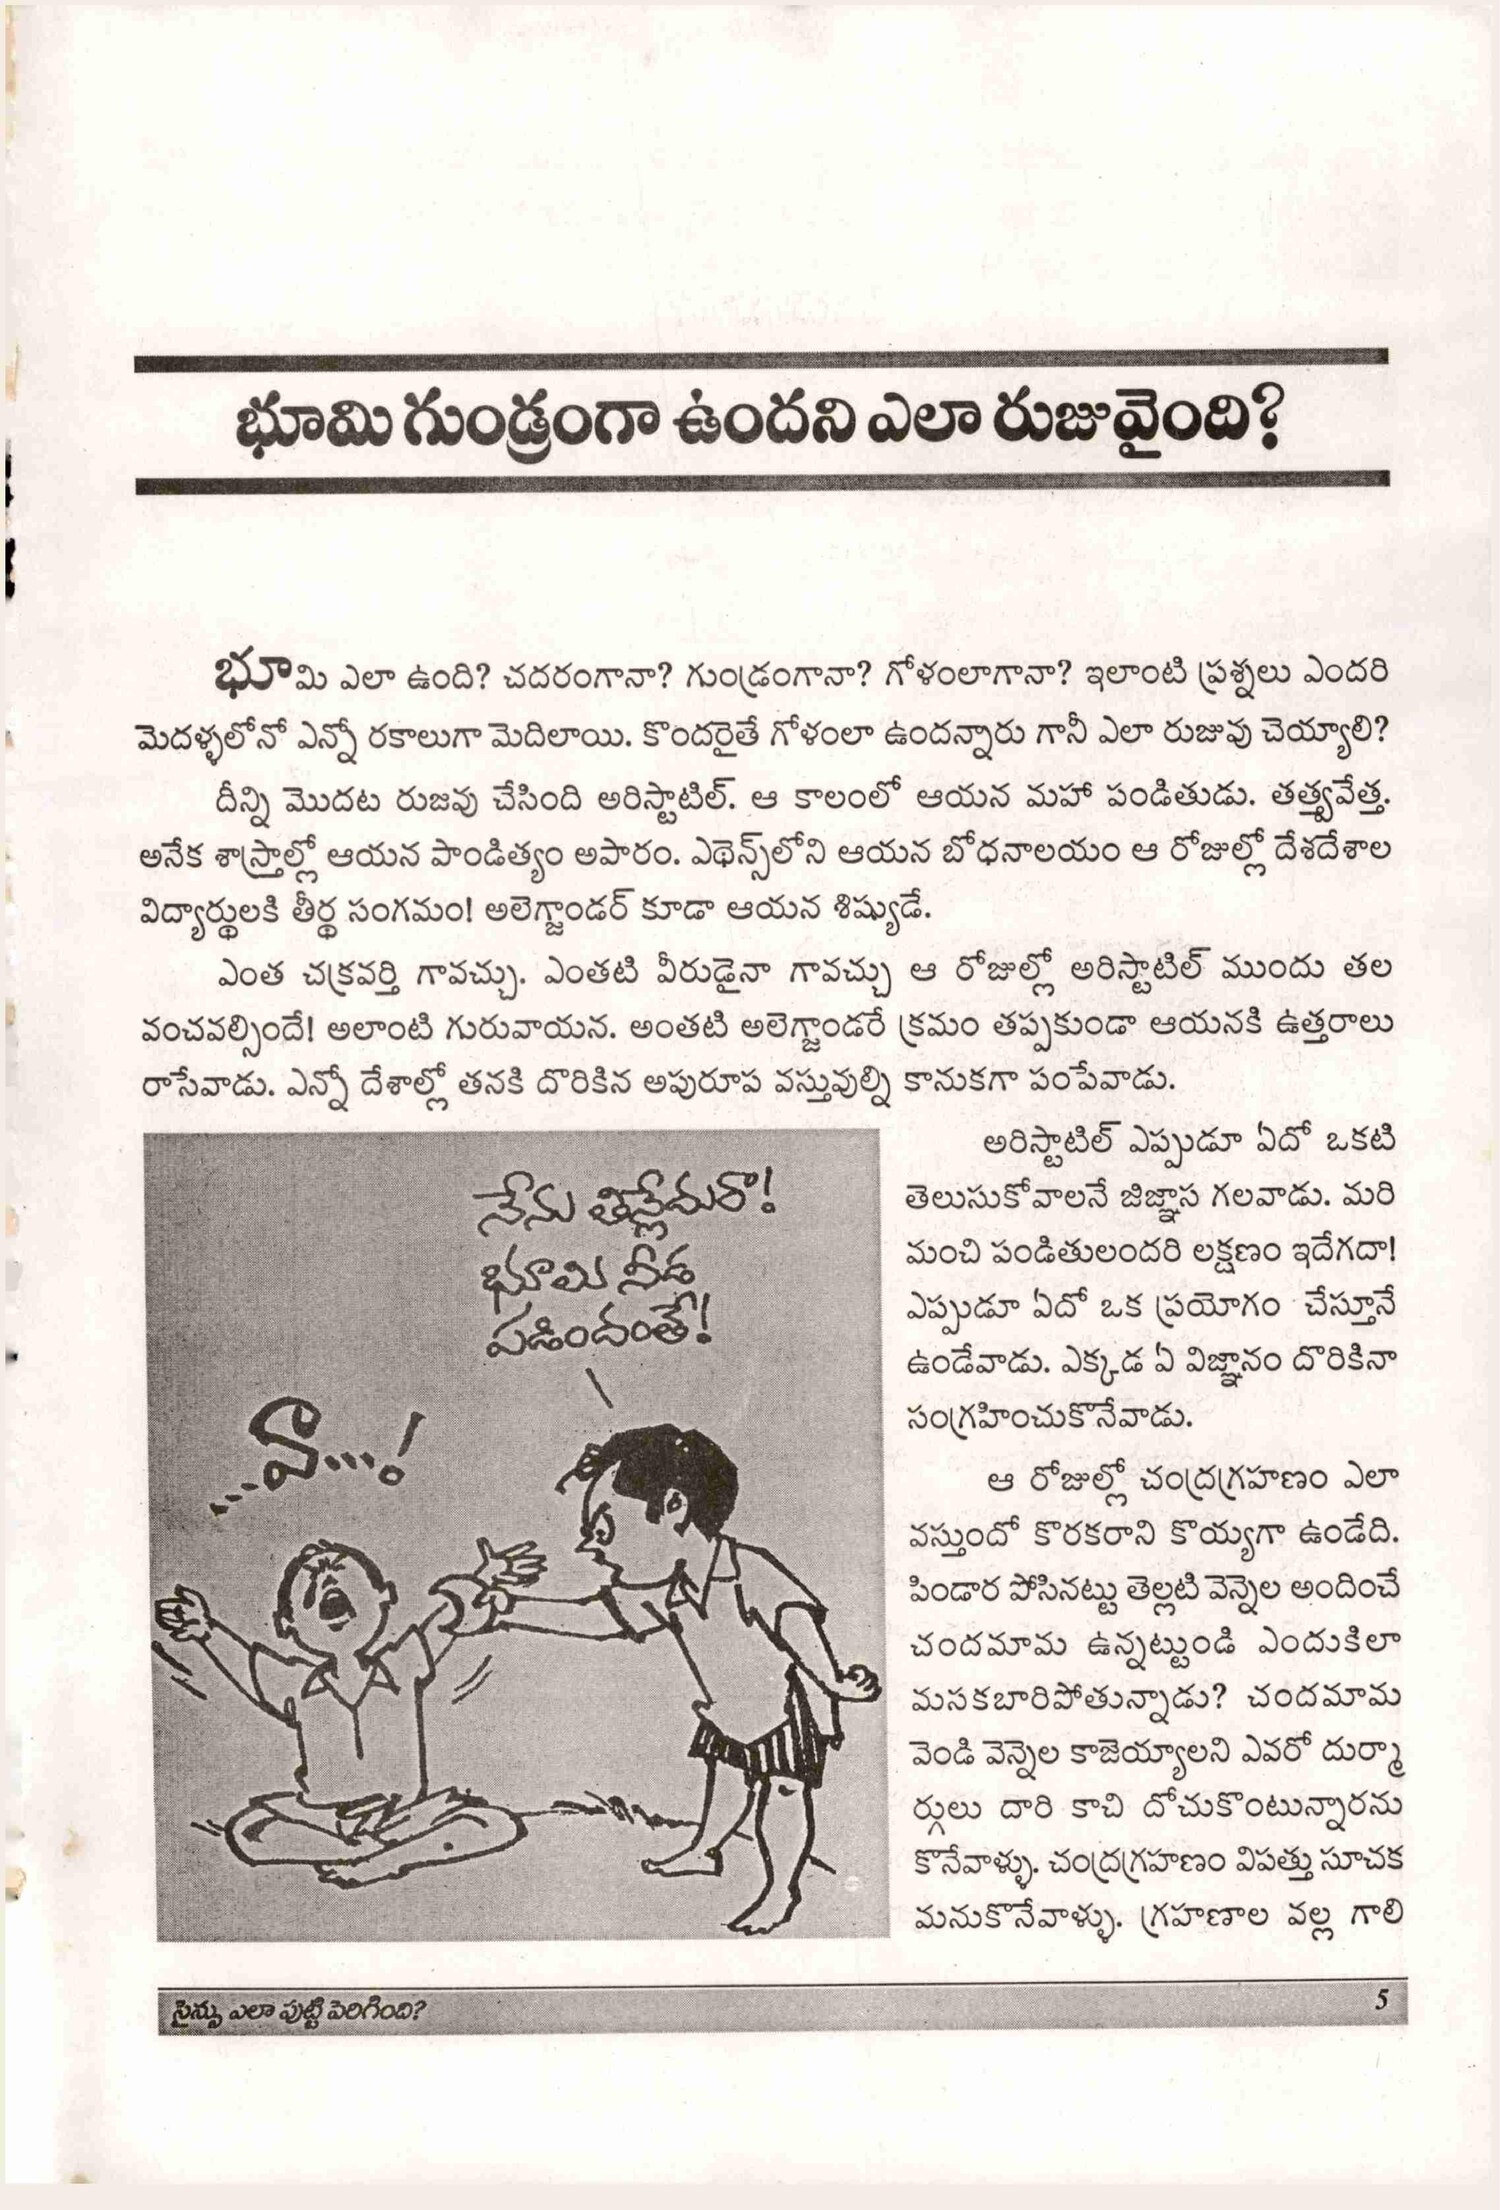భూమి గుండ్రంగా ఉందని ఎలా రుజువైంది?

భూమి ఎలా ఉంది? చదరంగానా? గుండ్రంగానా? గోళంలాగానా? ఇలాంటి ప్రశ్నలు ఎందరి మెదళ్ళలోనో ఎన్నో రకాలుగా మెదిలాయి. కొందరైతే గోళంలా ఉందన్నారు గానీ ఎలా రుజువు చెయ్యాలి?

దీన్ని మొదట రుజువు చేసింది అరిస్టాటిల్. ఆ కాలంలో ఆయన మహా పండితుడు. తత్త్వవేత్త. అనేక శాస్త్రాల్లో ఆయన పాండిత్యం అపారం. ఎథెన్స్‌లోని ఆయన బోధనాలయం ఆ రోజుల్లో దేశదేశాల విద్యార్థులకి తీర్థ సంగమం! అలెగ్జాండర్ కూడా ఆయన శిష్యుడే.

ఎంత చక్రవర్తి గావచ్చు. ఎంతటి వీరుడైనా గావచ్చు ఆ రోజుల్లో అరిస్టాటిల్ ముందు తల వంచవల్సిందే! అలాంటి గురువాయన. అంతటి అలెగ్జాండరే క్రమం తప్పకుండా ఆయనకి ఉత్తరాలు రాసేవాడు. ఎన్నో దేశాల్లో తనకి దొరికిన అపురూప వస్తువుల్ని కానుకగా పంపేవాడు.

అరిస్టాటిల్ ఎప్పుడూ ఏదో ఒకటి తెలుసుకోవాలనే జిజ్ఞాస గలవాడు. మరి మంచి పండితులందరి లక్షణం ఇదేగదా! ఎప్పుడూ ఏదో ఒక ప్రయోగం చేస్తూనే ఉండేవాడు. ఎక్కడ ఏ విజ్ఞానం దొరికినా సంగ్రహించుకొనేవాడు.

ఆ రోజుల్లో చంద్రగ్రహణం ఎలా వస్తుందో కొరకరాని కొయ్యగా ఉండేది. పిండార పోసినట్టు తెల్లటి వెన్నెల అందించే చందమామ ఉన్నట్టుండి ఎందుకిలా మసకబారిపోతున్నాడు? చందమామ వెండి వెన్నెల కాజెయ్యాలని ఎవరో దుర్మార్గులు దారి కాచి దోచుకొంటున్నారను కొనేవాళ్ళు. చంద్రగ్రహణం విపత్తు సూచక మనుకొనేవాళ్ళు. గ్రహణాల వల్ల గాలి